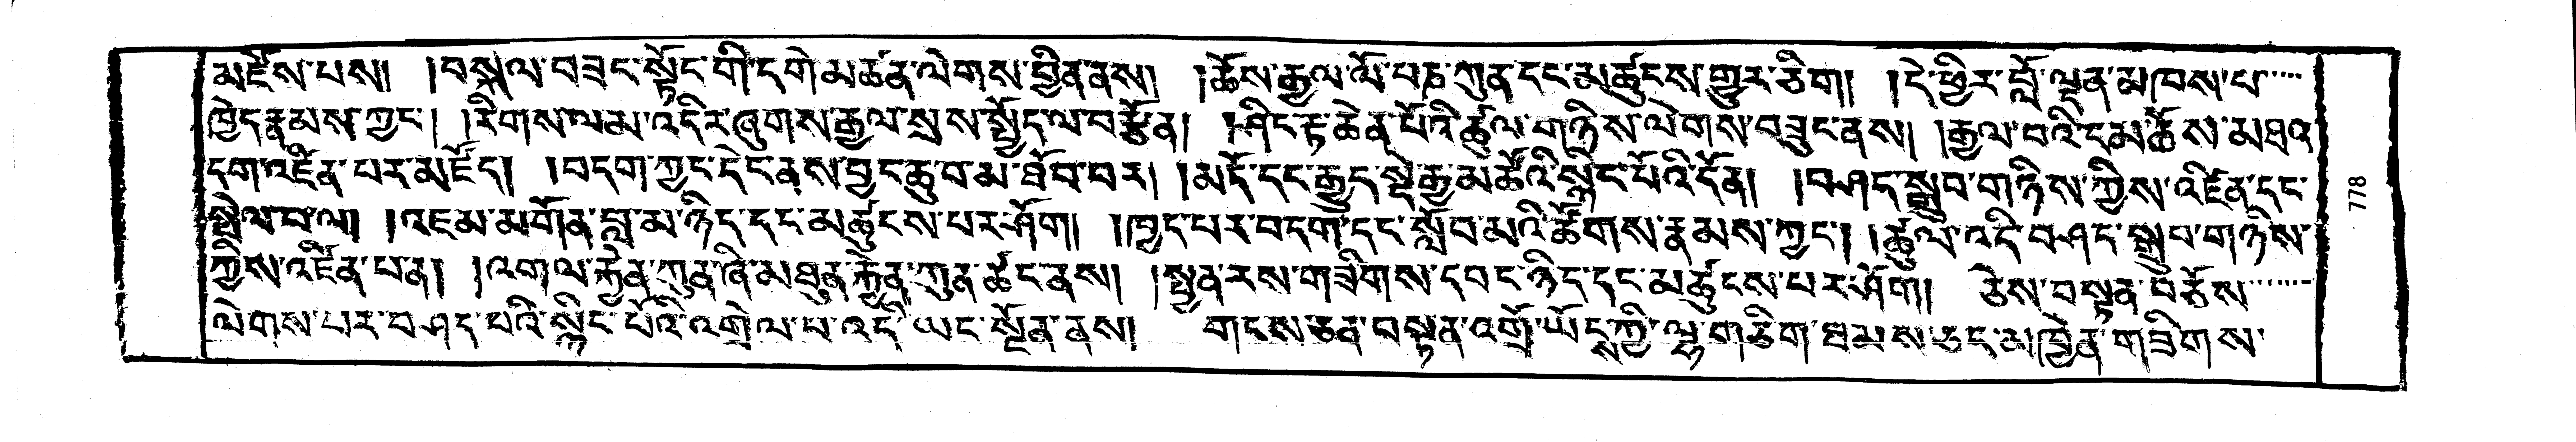མཛེས་པས། །བསྐལ་བཟང་སྟོང་གི་དགེ་མཚན་ལེགས་བྱིན་ནས། །ཆོས་རྒྱལ་ལོ་པཎ་ཀུན་དང་མཚུངས་གྱུར་ཅིག། །དེ་ཕྱིར་བློ་ལྡན་མཁས་པ་
ཁྱེད་རྣམས་ཀྱང་། །རིགས་ལམ་འདིར་ཞུགས་རྒྱལ་སྲས་སྤྱོད་ལ་བརྩོན། །ཤིང་རྟ་ཆེན་པོའི་ཚུལ་གཉིས་ལེགས་བཟུང་ནས། །རྒྱལ་བའི་དམ་ཆོས་མཐའ་
དག་འཛིན་པར་མཛོད། །བདག་ཀྱང་དེང་ནས་བྱང་ཆུབ་མ་ཐོབ་བར། །མདོ་དང་རྒྱུད་སྡེ་རྒྱ་མཚོའི་སྙིང་པོའི་དོན། །བཤད་སྒྲུབ་གཉིས་ཀྱིས་འཛིན་དང་
སྦེལ་བ་ལ། །འཇམ་མགོན་བླ་མ་ཉིད་དང་མཚུངས་པར་ཤོག། །ཁྱད་པར་བདག་དང་སློབ་མའི་ཚོགས་རྣམས་ཀྱང་། །ཚུལ་འདི་བཤད་སྒྲུབ་གཉིས་
ཀྱིས་འཛིན་པ་ན། །འགལ་རྐྱེན་ཀུན་ཞི་མཐུན་རྐྱེན་ཀུན་ཚང་ནས། །སྤྱན་རས་གཟིགས་དབང་ཉིད་དང་མཚུངས་པར་ཤོག། ཅེས་བསྟན་བཅོས་
ལེགས་པར་བཤད་པའི་སྙིང་པོའི་འགྲེལ་པ་འདི་ཡང་སྔོན་ནས། གངས་ཅན་བསྟན་འགྲོ་ཡོངས་ཀྱི་ལྷ་གཅིག་ཐམས་ཅད་མཁྱེན་གཟིགས་